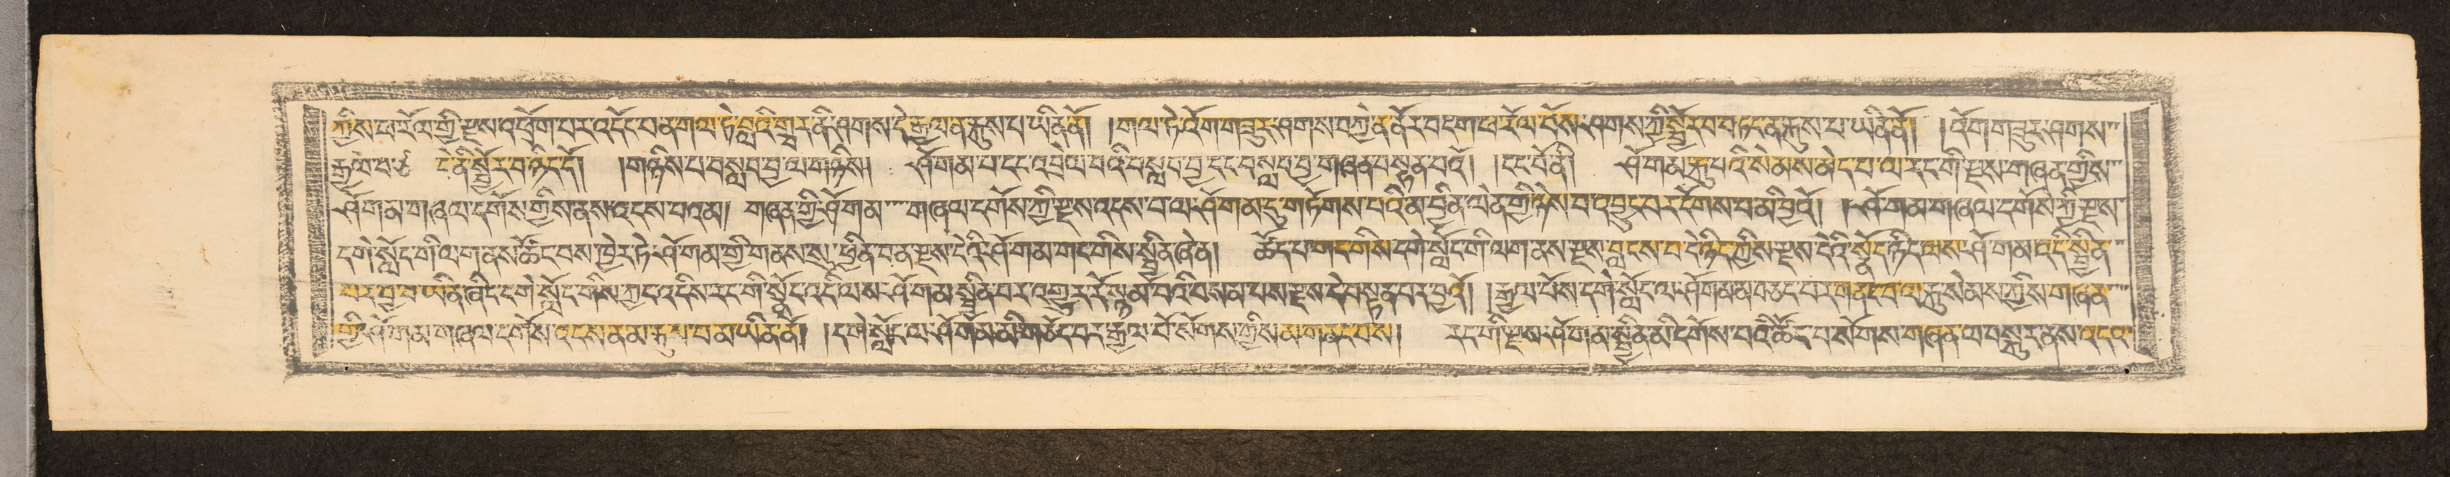ཀྱིས་ཕ་རོལ་གྱི་རྫས་འཕྲོག་པར་འདོད་པ་ན་གལ་ཏེ་བླའི་གྲྭར་ནི་ཤགས་དེ་རྒྱལ་ན་རྐུས་པ་ཡིན་ནོ། །གལ་ཏེ་འོག་གཟུར་ཤགས་བཀྱེ་ན་ནོར་བདག་ཕ་རོལ་པོས་ཤགས་ཀྱི་སྦྱོར་བ་བཏང་ན་རྐུས་པ་ཡིན་ནོ། །འོག་གཟུར་ཤགས་
རྒྱལ་བ་ཙམ་དེ་ནི་སྦྱོར་བ་ཉིད་དོ། །གཉིས་པ་བསླབ་བྱ་ལ་གཉིས། ཤོ་གམ་བ་དང་འབྲེལ་བའི་བསླབ་བྱ་དང་བསླབ་བྱ་གཞན་བསྟན་པའོ། །དང་པོ་ནི། ཤོ་གམ་རྐུ་བའི་སེམས་མེད་པ་ལ་རང་གི་རྫས་གཞན་གྱིས་
ཤོ་གམ་གཞལ་དགོས་ཀྱིས་ནས་འདས་པའམ། གཞན་གྱི་ཤོ་གམ་གཞལ་དགོས་ཀྱི་རྫས་འདས་པ་ལ་ཤོ་གམ་དུ་གཏོགས་པའི་མ་བྱིན་ལེན་གྱི་ཉེས་པ་འབྱུང་བར་དོགས་པ་མི་བྱའོ། །ཤོ་གམ་གཞལ་དགོས་ཀྱི་རྫས་
དགེ་སློང་གི་ལག་ནས་ཚོང་པས་ཁྱེར་ཏེ་ཤོ་གམ་གྱི་གནས་སུ་ཕྱིན་པ་ན་རྫས་དེའི་ཤོ་གམ་གང་གིས་སྦྱིན་ཞེ་ན། ཚོང་པ་གང་གིས་དགེ་སློང་གི་ལག་ནས་རྫས་བླངས་པ་དེ་ཉིད་ཀྱིས་རྫས་དེའི་སྣོད་ཉིད་ལས་ཤོ་གམ་འདི་སྦྱིན་
པར་བྱ་བ་ཡིན་ཞིང་དགེ་སློང་གིས་ཀྱང་འདིས་རང་གི་སྣོད་འདི་ལས་ཤོ་གམ་སྦྱིན་པར་འགྱུར་རོ་སྙམ་པའི་བསམ་པས་རྫས་དེ་བསྟན་པར་བྱའོ། །རྒྱལ་པོས་དགེ་སློང་ལ་ཤོ་གམ་མ་བཅད་པར་གནང་བ་ལ་རྐུ་སེམས་ཀྱིས་གཞན་
གྱི་ཤོ་གམ་གཞལ་དགོས་འདས་ན་མ་རྐུས་པ་མ་ཡིན་ནོ། །དགེ་སློང་ལ་ཤོ་གམ་མི་གཅོད་པར་རྒྱལ་པོ་སོགས་གྱིས་མ་གནང་བས། རང་གི་རྫས་ཤོ་གམ་སྦྱིན་མི་དགོས་པའི་ཚོང་པ་སོགས་གཞན་ལ་བསྐུར་ནས་འདའ་